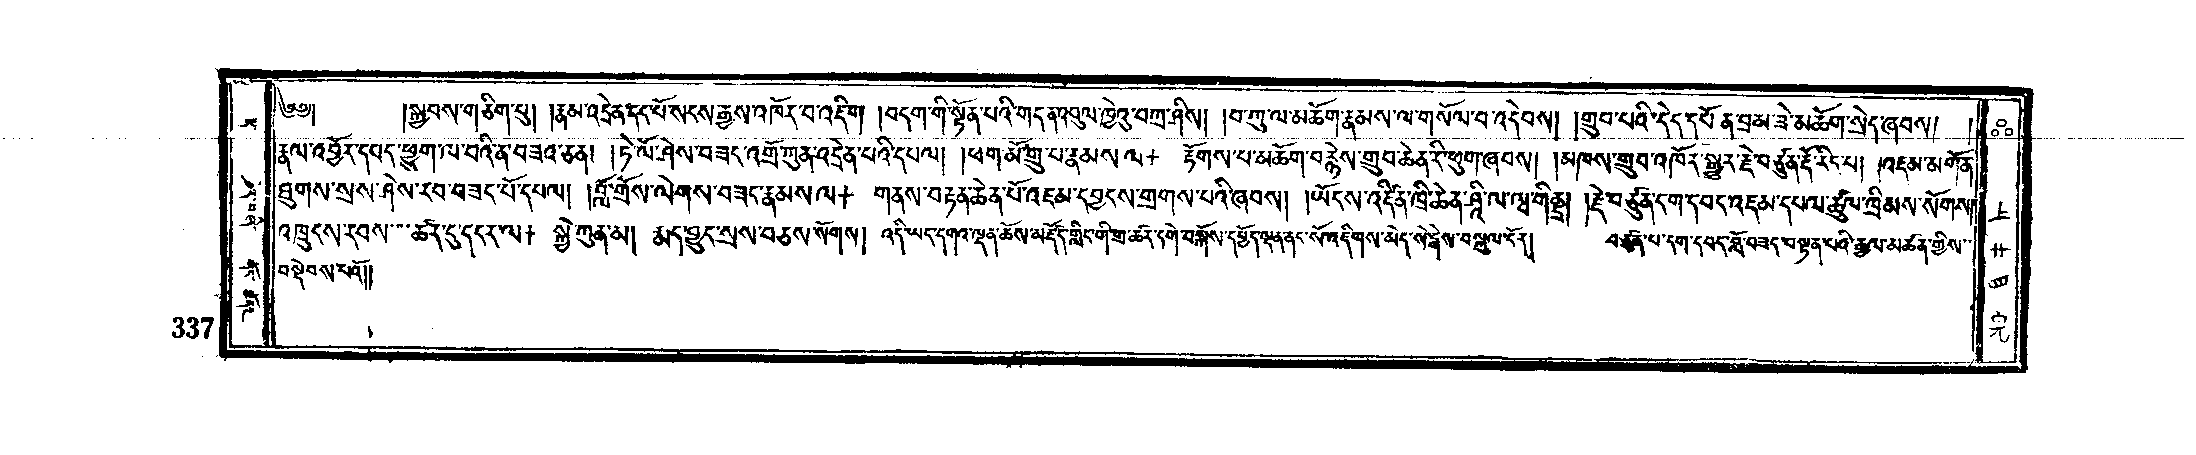༄༅། །སྐྱབས་གཅིག་པུ། །རྣམ་འདྲེན་དང་པོ་སངས་རྒྱས་འཁོར་བ་འཇིག །བདག་གི་སྟོན་པའི་གདན་འབུལ་ཁྱེའུ་བཀྲ་ཤིས། །བ་ཀུ་ལ་མཆོག་རྣམས་ལ་གསོལ་བ་འདེབས། །གྲུབ་པའི་དེད་དཔོན་བྲམ་ཟེ་མཆོག་སྲིད་ཞབས། །
རྣལ་འབྱོར་དབང་ཕྱུག་ལ་བའི་ན་བཟའ་ཅན། །ཏེ་ལོ་ཤེས་བཟང་འགྲོ་ཀུན་འདྲེན་པའི་དཔལ། །ཕག་མོ་གྲུ་པ་རྣམས་ལ་+་རྟོགས་པ་མཆོག་བརྙེས་གྲུབ་ཆེན་རི་ཕུག་ཞབས། །མཁས་གྲུབ་འཁོར་སྒྱུར་རྗེ་བཙུན་རྡོ་རིང་པ། །འཇམ་མགོན་
ཐུགས་སྲས་ཤེས་རབ་བཟང་པོ་དཔལ། །བློ་གྲོས་ལེགས་བཟང་རྣམས་ལ་+་གནས་བརྟན་ཆེན་པོ་འཇམ་དབྱངས་གྲགས་པའི་ཞབས། །ཡོངས་འཛིན་ཁྲི་ཆེན་ཤཱི་ལ་ཝ་གིནྡྲ། །རྗེ་བཙུན་ངག་དབང་འཇམ་དཔལ་ཚུལ་ཁྲིམས་སོགས།
འཁྲུངས་རབས་ཚར་དུ་དངར་ལ་+་སྐྱེ་ཀུན་མ། རྨད་བྱུང་སྲས་བཅས་སོགས། འདི་ཡང་དགའ་ལྡན་ཆོས་མཛོད་གླིང་གི་གྲ་ཚར་དགེ་བསྐོས་དཔྱོད་ལྡན་ནང་སོ་འཇིགས་མེད་སེངྒེས་བསྐུལ་ངོར། བཙུན་པ་ངག་དབང་བློ་བཟང་བསྟན་པའི་རྒྱལ་མཚན་གྱིས་
བསྡེབས་པའོ།།